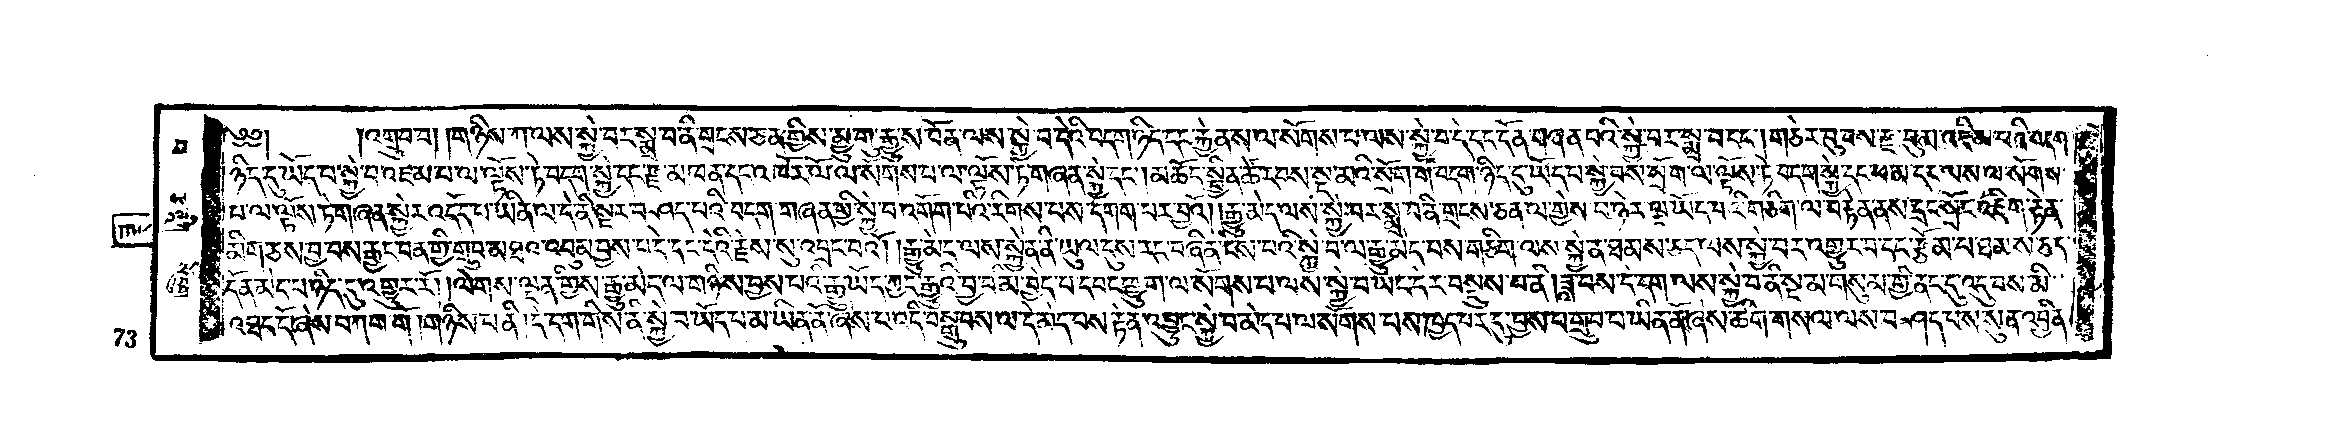༄༅། །འགྲུབ་བ། །གཉིས་ཀ་ལས་སྐྱེ་བར་སྨྲ་བ་ནི་གྲངས་ཅན་གྱིས་མྱུ་གུ་རྒྱུ་ས་བོན་ལས་སྐྱེ་བ་དེའི་བདག་ཉིད་དང་རྐྱེན་ས་ལ་སོགས་པ་ལས་སྐྱེ་བ་དེ་དང་དོན་གཞན་པའི་སྐྱེ་བར་སྨྲ་བ་དང་། གཅེར་བུ་བས་རྫ་བུམ་འཇིམ་པའི་བདག་
ཉིད་དུ་ཡོད་པ་སྐྱེ་བ་འཇིམ་པ་ལ་ལྟོས་ཏེ་བདག་སྐྱེ་དང་རྫ་མཁན་དང་འཁོར་ལོ་ལ་སོགས་པ་ལ་ལྟོས་ཏེ་གཞན་སྐྱེ་དང་། མཆོད་སྦྱིན་ཚེ་རབས་སྔ་མའི་སྲོག་གི་བདག་ཉིད་དུ་ཡོད་པ་སྐྱེ་བས་སྲོག་ལ་ལྟོས་ཏ་བདག་སྐྱེ་དང་ཕ་མ་དང་ལས་ལ་སོགས་
པ་ལ་ལྟོས་ཏེ་གཞན་སྐྱེར་འདོད་པ་ཡིན་ལ་དེ་ནི་སྔར་བཤད་པའི་བདག་གཞན་གྱི་སྐྱེ་བ་འགོག་པའི་རིགས་པས་དགག་པར་བྱའོ། །རྒྱུ་མེད་ལས་སྐྱེ་བར་སྨྲ་བ་ནི་གྲངས་ཅན་ལ་གྱེས་པ་ཉེར་ལྔ་ཡོད་པའི་གཅིག་ལ་བརྟེན་ནས་དྲང་སྲོང་འཇིག་རྟེན་
མིག་ཅས་བྱ་བས་རྒྱང་བན་གྱི་གྲུབ་མཐའ་འབུམ་བྱས་པ་དེ་དང་དེའི་རྗེས་སུ་འབྲང་བའོ། །རྒྱུ་མེད་ལས་སྐྱེ་ན་ནི་ཡུལ་དུས་རང་བཞིན་ངེས་པའི་སྐྱེ་བ་ལ་རྒྱུ་མེད་པས་གཅིག་ལས་སྐྱེ་ན་ཐམས་ཅད་ལས་སྐྱེ་བར་འགྱུར་བ་དང་རྩོམ་པ་ཐམས་ཅད་
དོན་མེད་པ་ཉིད་དུ་འགྱུར་རོ། །ལེགས་ལྡན་གྱིས་རྒྱུ་མེད་ལ་གཉིས་བྱས་པའི་རྒྱུ་ཡོད་ཀྱང་རྒྱུའི་བྱ་བ་མི་བྱེད་པ་དབང་ཕྱུག་ལ་སོགས་པ་ལས་སྐྱེ་བ་ཡང་དེར་བསྡུས་པ་ནི། ཟླ་བས་དེ་དག་ལས་སྐྱེ་བ་ནི་སྔ་མ་གསུམ་གྱི་ནང་དུ་འདུ་བས་མི་
འཐད་དོ་ཞེས་བཀག་གོ །གཉིས་པ་ནི། །དེ་དག་གིས་ནི་སྐྱེ་བ་ཡོད་པ་མ་ཡིན་ནོ་ཞེས་པ་འདི་བསྒྲུབས་ལ་དེ་མེད་པས་རྟེན་འབྱུང་སྐྱེ་བ་མེད་པ་ལ་སོགས་པས་ཁྱད་པར་དུ་བྱས་པ་གྲུབ་པ་ཡིན་ནོ་ཞེས་ཚིག་གསལ་ལས་བཤད་པས་སུན་འབྱིན་